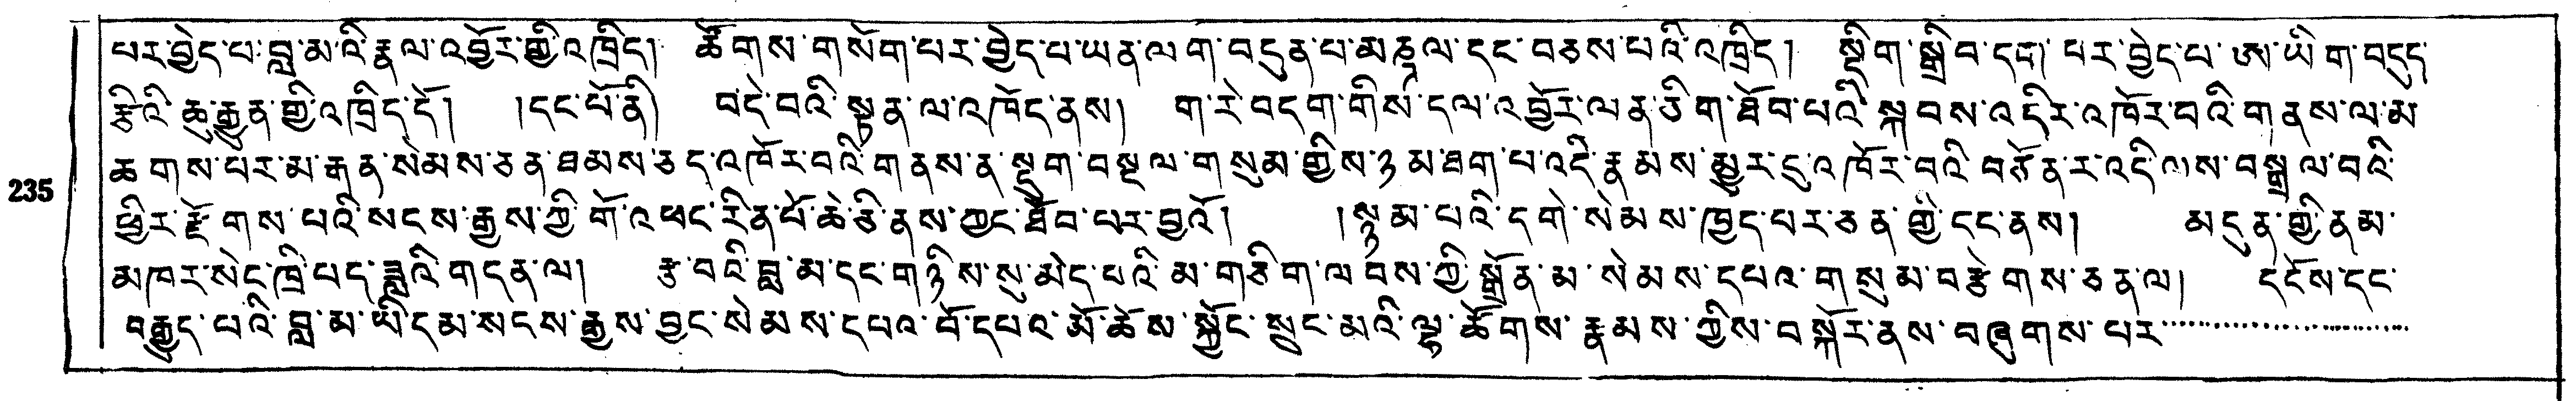པར་བྱེད་པ་བླ་མའི་རྣལ་འབྱོར་གྱི་འཁྲིད། ཚོགས་གསོག་པར་བྱེད་པ་ཡན་ལག་བདུན་པ་མཎྜལ་དང་བཅས་པའི་འཁྲིད། སྡིག་སྒྲིབ་དག་པར་བྱེད་པ་ཨ་ཡིག་བདུད་
རྩིའི་ཆུ་རྒྱུན་གྱི་འཁྲིད་དོ། །དང་པོ་ནི། བདེ་བའི་སྟན་ལ་འཁོད་ནས། ག་རེ་བདག་གིས་དལ་འབྱོར་ལན་ཅིག་ཐོབ་པའི་སྐབས་འདིར་འཁོར་བའི་གནས་ལ་མ་
ཆགས་པར་མ་རྒན་སེམས་ཅན་ཐམས་ཅད་འཁོར་བའི་གནས་ན་སྡུག་བསྔལ་གསུམ་གྱིས་ཉམ་ཐག་པ་འདི་རྣམས་མྱུར་དུ་འཁོར་བའི་བཙོན་ར་འདི་ལས་བསྒྲལ་བའི་
ཕྱིར་རྫོགས་པའི་སངས་རྒྱས་ཀྱི་གོ་འཕང་རིན་པོ་ཆེ་ཅི་ནས་ཀྱང་ཐོབ་པར་བྱའོ། །སྙམ་པའི་དགེ་སེམས་ཁྱད་པར་ཅན་གྱི་ངང་ནས། མདུན་གྱི་ནམ་
མཁར་སེང་ཁྲི་པད་ཟླའི་གདན་ལ། རྩ་བའི་བླ་མ་དང་གཉིས་སུ་མེད་པའི་མ་གཅིག་ལབས་ཀྱི་སྒྲོན་མ་སེམས་དཔའ་གསུམ་བརྩེགས་ཅན་ལ། དངོས་དང་
བརྒྱུད་པའི་བླ་མ་ཡི་དམ་སངས་རྒྱས་བྱང་སེམས་དཔའ་བོ་དཔའ་མོ་ཆོས་སྐྱོང་སྲུང་མའི་ལྷ་ཚོགས་རྣམས་ཀྱིས་བསྐོར་ནས་བཞུགས་པར་